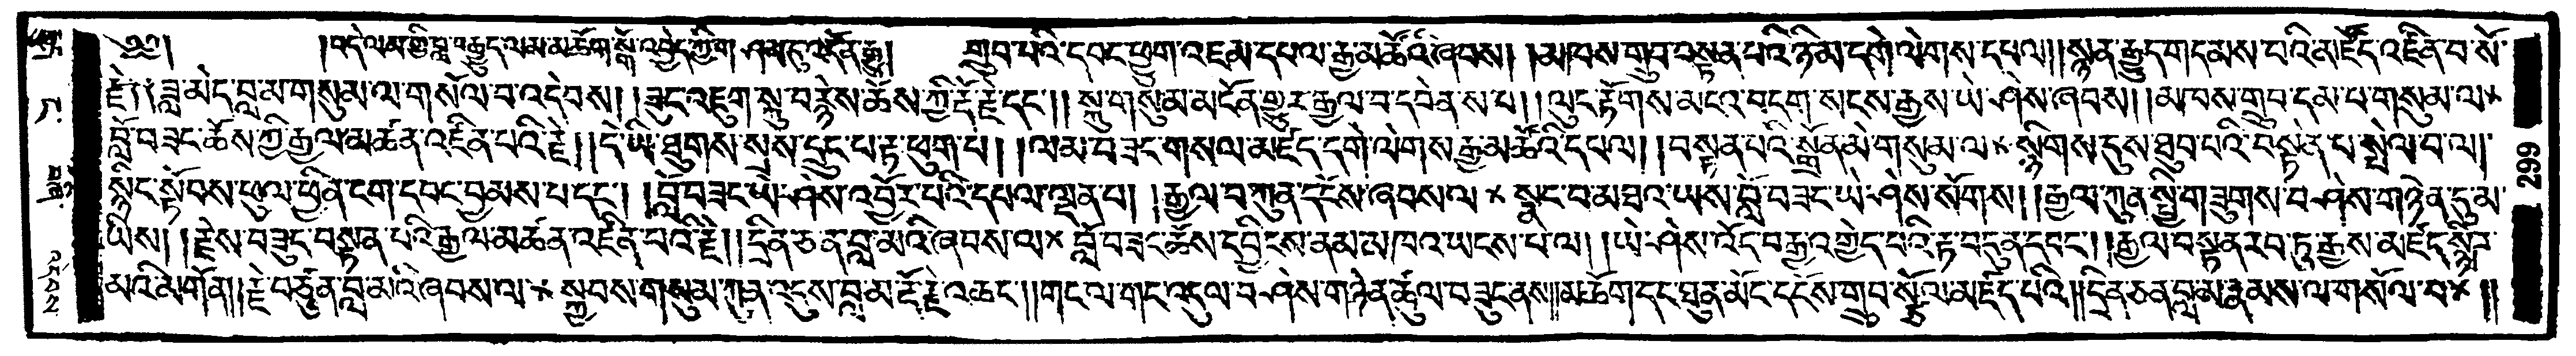༄༅། །བདེ་ལམ་གྱི་བླ་བརྒྱུད་ལམ་མཆོག་སྒོ་འབྱེད་ཀྱི་གཤམ་དུ་འདོན་རྒྱུ། གྲུབ་པའི་དབང་ཕྱུག་འཇམ་དཔལ་རྒྱ་མཚོའི་ཞབས། །མཁས་གྲུབ་བསྟན་པའི་ཉི་མ་དགེ་ལེགས་དཔལ། །སྙན་རྒྱུད་གདམས་པའི་མཛོད་འཛིན་བ་སོ་
རྗེ། །ཟླ་མེད་བླ་མ་གསུམ་ལ་གསོལ་བ་འདེབས། །ཟུང་འཇུག་སྐུ་བརྙེས་ཆོས་ཀྱི་རྡོ་རྗེ་དང་། །སྐུ་གསུམ་མངོན་གྱུར་རྒྱལ་བ་དབེན་ས་པ། །ལུང་རྟོགས་མངའ་བདག་སངས་རྒྱས་ཡེ་ཤེས་ཞབས། །མཁས་གྲུབ་དམ་པ་གསུམ་ལ་{྾}
བློ་བཟང་ཆོས་ཀྱི་རྒྱལ་མཚན་འཛིན་པའི་རྗེ། །དེ་ཡི་ཐུགས་སྲས་དྲུང་པ་རྟ་ཕུག་པ། །ལམ་བཟང་གསལ་མཛད་དགེ་ལེགས་རྒྱ་མཚོའི་དཔལ། །བསྟན་པའི་སྒྲོན་མེ་གསུམ་ལ་{྾}་སྙིགས་དུས་ཐུབ་པའི་བསྟེན་པ་སྤེལ་བ་ལ།
སྙིང་སྟོབས་ཕུལ་ཕྱིན་ངག་དབང་བྱམས་པ་དང་། །བློ་བཟང་ཡེ་ཤེས་འབྱོར་བའི་དཔལ་ལྡན་པ། །རྒྱལ་བ་ཀུན་དངོས་ཞབས་ལ་{྾}་སྣང་བ་མཐའ་ཡས་བློ་བཟང་ཡེ་ཤེས་སོགས། །རྒྱལ་ཀུན་སྤྱི་གཟུགས་བཤེས་གཉེན་དུ་མ་
ཡིས། །རྗེས་བཟུང་བསྟན་པའི་རྒྱལ་མཚན་འཛིན་པའི་རྗེ། །དྲིན་ཅན་བླ་མའི་ཞབས་ལ་{྾}་བློ་བཟང་ཆོས་དབྱིངས་ནམ་མཁའ་ཡངས་པ་ལ། །ཡེ་ཤེས་འོད་བརྒྱ་འགྱེད་པའི་རྟ་བདུན་དབང་། །རྒྱལ་བསྟན་རབ་ཏུ་རྒྱས་མཛད་སྙིགས་
མའི་མགོན། །རྗེ་བཙུན་བླ་མའི་ཞབས་ལ་{྾}་སྐྱབས་གསུམ་ཀུན་འདུས་བླ་མ་རྡོ་རྗེ་འཆང་། །གང་ལ་གང་འདུལ་བཤེས་གཉེན་ཚུལ་བཟུང་ནས། །མཆོག་དང་ཐུན་མོང་དངོས་གྲུབ་སྩོལ་མཛད་པའི། །དྲིན་ཅན་བླ་མ་རྣམས་ལ་གསོལ་བ་{྾}།།